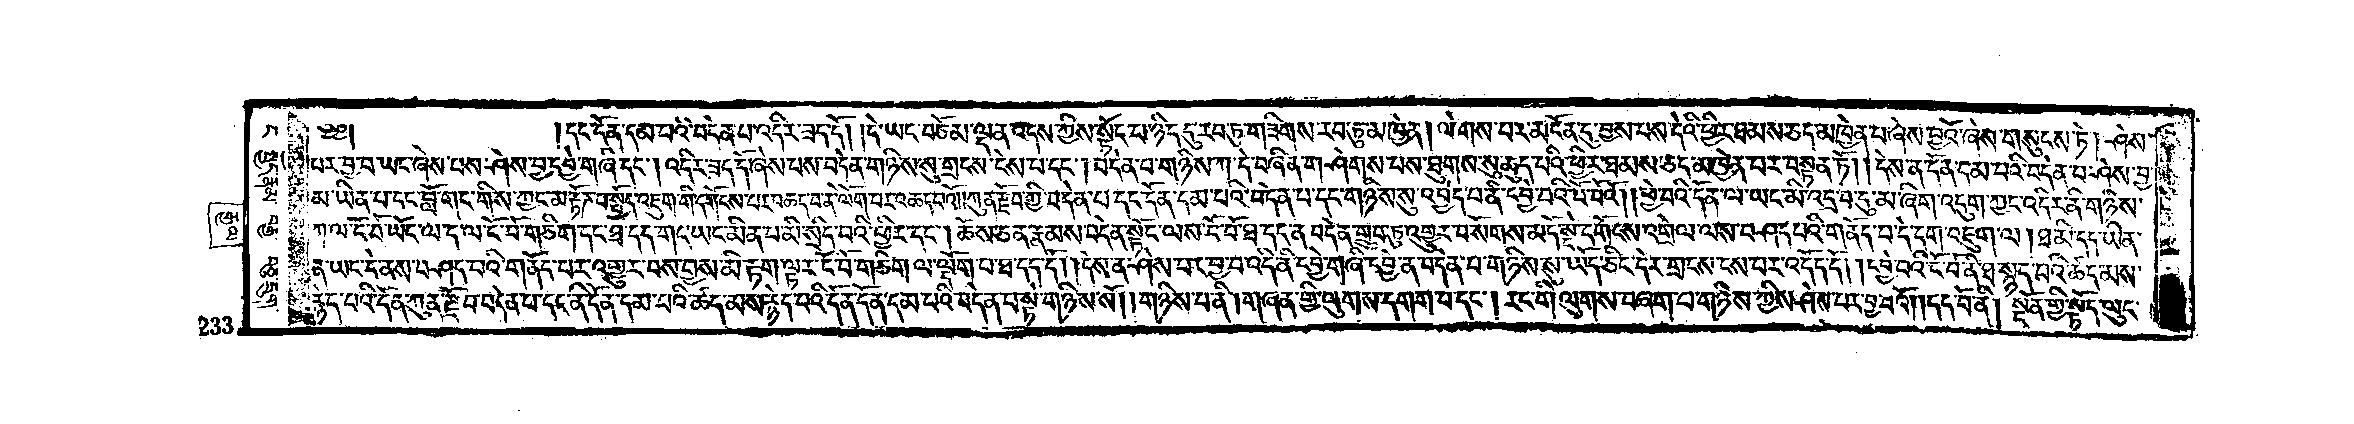༄༅། །དང་དོན་དམ་པའི་བདེན་པ་འདིར་ཟད་དོ། །དེ་ཡང་བཅོམ་ལྡན་འདས་ཀྱིས་སྟོང་པ་ཉིད་དུ་རབ་ཏུ་གཟིགས་རབ་ཏུ་མཁྱེན། ལེགས་པར་མངོན་སུ་བྱས་པས་དེའི་ཕྱིར་ཐམས་ཅད་མཁྱེན་པ་ཞེས་བྱའོ་ཞེས་གསུངས་ཏེ། ཤེས་
པར་བྱ་བ་ཡང་ཞེས་པས་ཤེས་བྱ་དབྱེ་གཞི་དང་། འདིར་ཟད་དོ་ཞེས་པས་བདེན་གཉིས་སུ་གྲངས་ངེས་པ་དང་། བདེན་པ་གཉིས་ཀ་དེ་བཞིན་གཤེགས་པས་ཐུགས་སུ་ཆུད་པའི་ཕྱིར་ཐམས་ཅད་མཁྱེན་པར་བསྟན་ཏོ། །དེས་ན་དོན་དམ་པའི་བདེན་པ་ཤེས་བྱ་
མ་ཡིན་པ་དང་བློ་གང་གིས་ཀྱང་མ་རྟོགས་པ་སྤྱོད་འཇུག་གི་དགོངས་པར་འཆད་པ་ནི་ལོག་པར་འཆད་པའོ། །ཀུན་རྫོབ་ཀྱི་བདེན་པ་དང་དོན་དམ་པའི་བདེན་པ་དང་གཉིས་སུ་འབྱེད་པ་ནི་དབྱེ་བའི་པོ་བོའོ། །ཕྱེ་བའི་དོན་ལ་ཡང་མི་འདྲ་བ་དུ་མ་ཞིག་འདུག་ཀྱང་འདིར་ནི་གཉིས་
ཀ་ལ་ངོ་བོ་ཡོད་ལ་དེ་ལ་ངོ་བོ་གཅིག་དང་ཐ་དད་གང་ཡང་མིན་པ་མི་སྲིད་པའི་ཕྱིར་དང་ཆོས་ཅན་རྣམས་བདེན་སྟོང་ལས་ངོ་བོ་ཐ་དད་ན་བདེན་གྲུབ་ཏུ་འགྱུར་བ་སོགས་མདོ་སྡེ་དགོངས་འགྲེལ་ལས་བཤད་པའི་གནོད་པ་དེ་དག་འཇུག་ལ། ཐ་མི་དད་ཡིན་
ན་ཡང་དེ་ནས་བཤད་པའི་གནོད་པར་འགྱུར་བས་བྱས་མི་རྟག་ལྟར་ངོ་བོ་གཅིག་ལ་ལྡོག་པ་ཐ་དད་དོ། །དེས་ན་ཤེས་པར་བྱ་བ་འདི་ནི་དབྱེ་གཞི་དབྱེ་ན་བདེན་པ་གཉིས་སུ་ཡོད་ཅིང་དེར་གྲངས་ངས་པར་འདོད་དོ། །དབྱེ་བའི་ངོ་བོ་ནི་ཐ་སྙད་པའི་ཚད་མས་
རྙེད་པའི་དོན་ཀུན་རྫོབ་བདེན་པ་དང་ནི་དོན་དམ་པའི་ཚད་མས་རྙེད་པའི་དོན་དོན་དམ་པའི་བདེན་པ་སྟེ་གཉིས་སོ། །གཉིས་པ་ནི། གཞན་གྱི་ལུགས་དགག་པ་དང་། རང་གི་ལུགས་བཞག་པ་གཉིས་ཀྱིས་ཤེས་པར་བྱ་བའོ། །དང་པོ་ནི། སྔོན་གྱི་སྟོང་ལུང་